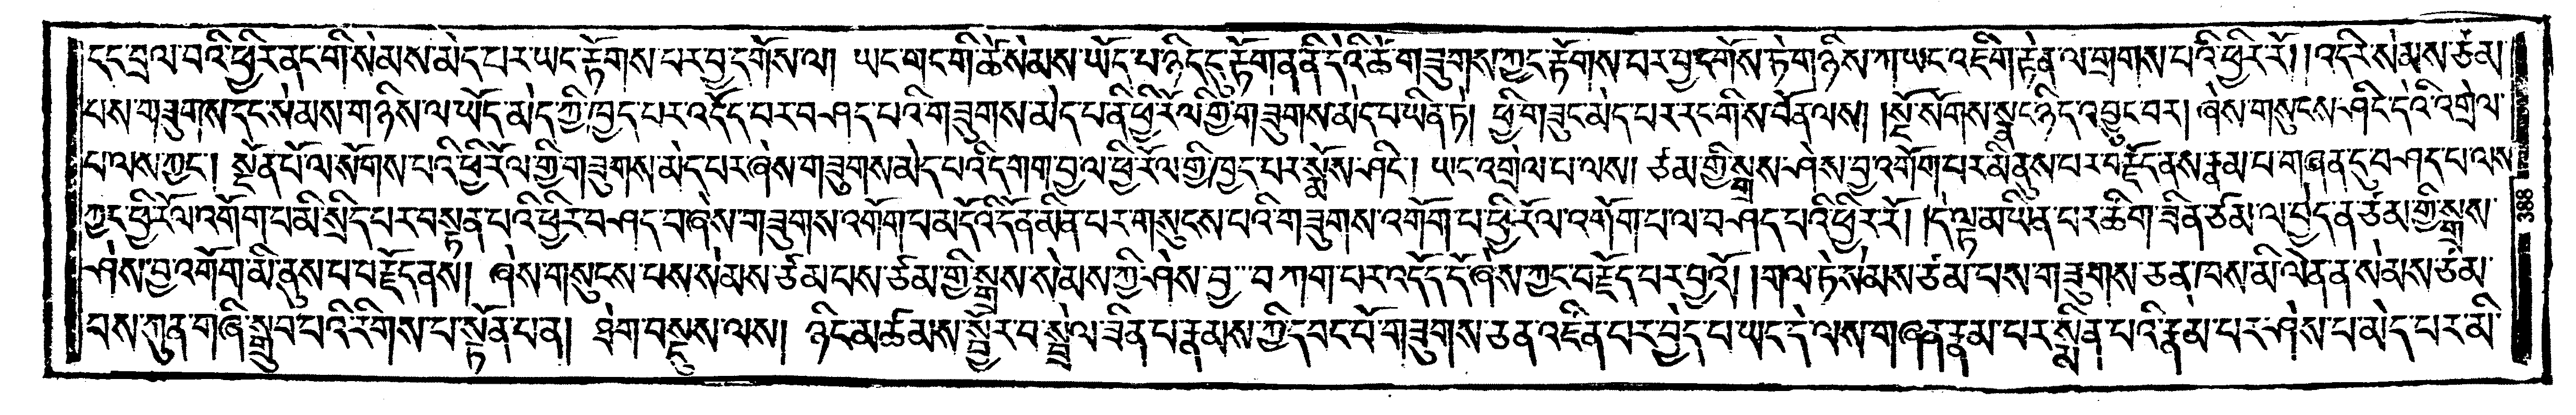དང་བྲལ་བའི་ཕྱིར་ནང་གི་སེམས་མེད་པར་ཡང་རྟོགས་པར་བྱ་དགོས་ལ། ཡང་གང་གི་ཚེ་སེམས་ཡོད་པ་ཉིད་དུ་རྟོག་ན་ནི་དེའི་ཚེ་གཟུགས་ཀྱང་རྟོགས་པར་བྱ་དགོས་ཏེ་གཉིས་ཀ་ཡང་འཇིག་རྟེན་ལ་གྲགས་པའི་ཕྱིར་རོ། །འདིར་སེམས་ཙམ་
པས་གཟུགས་དང་སེམས་གཉིས་ལ་ཡོད་མེད་ཀྱི་ཁྱད་པར་འདོད་པར་བཤད་པའི་གཟུགས་མེད་པ་ནི་ཕྱི་རོལ་གྱི་གཟུགས་མེད་པ་ཡིན་ཏེ། ཕྱི་གཟུང་མེད་པར་རང་གི་ས་བོན་ལས། །སྔོ་སོགས་སྣང་ཉིད་འབྱུང་བར། ཞེས་གསུངས་ཤིང་དེའི་འགྲེལ་
པ་ལས་ཀྱང་། སྔོན་པོ་ལ་སོགས་པའི་ཕྱི་རོལ་གྱི་གཟུགས་མེད་པར་ཞེས་གཟུགས་མེད་པའི་དགག་བྱ་ལ་ཕྱི་རོལ་གྱི་ཁྱད་པར་སྨོས་ཤིང་། ཡང་འགྲེལ་པ་ལས། ཙམ་གྱི་སྒྲས་ཤེས་བྱ་འགོག་པར་མི་ནུས་པར་བརྗོད་ནས་རྣམ་པ་གཞན་དུ་བཤད་པ་ལས་
ཀྱང་ཕྱི་རོལ་འགོག་པ་མི་སྲིད་པར་བསྟན་པའི་ཕྱིར་བཤད་པ་ཞེས་གཟུགས་འགོག་པ་མདོའི་དོན་མིན་པར་གསུངས་པའི་གཟུགས་འགོག་པ་ཕྱི་རོལ་འགོག་པ་ལ་བཤད་པའི་ཕྱིར་རོ། །དེ་ལྷ་མ་ཡིན་པར་ཚིག་ཟིན་ཙམ་ལ་བྱེད་ན་ཙམ་གྱི་སྒྲས་
ཤེས་བྱ་འགོག་མི་ནུས་པ་བརྗོད་ནས། ཞེས་གསུངས་པས་སེམས་ཙམ་པས་ཙམ་གྱི་སྒྲས་སེམས་ཀྱི་ཤེས་བྱ་བཀག་པར་འདོད་དོ་ཞེས་ཀྱང་བརྗོད་པར་བྱའོ། །གལ་ཏེ་སེམས་ཙམ་པས་གཟུགས་ཅན་ཁས་མི་ལེན་ན་སེམས་ཙམ་
པས་ཀུན་གཞི་སྒྲུབ་པའི་རིགས་པ་སྟོན་པ་ན། ཐེག་བསྡུས་ལས། ཉིང་མཚམས་སྦྱོར་བ་སྦྲེལ་ཟིན་པ་རྣམས་ཀྱི་དབང་པོ་གཟུགས་ཅན་འཛིན་པར་བྱེད་པ་ཡང་དེ་ལས་གཞན་རྣམ་པར་སྨིན་པའི་རྣམ་པར་ཤེས་པ་མེད་པར་མི་